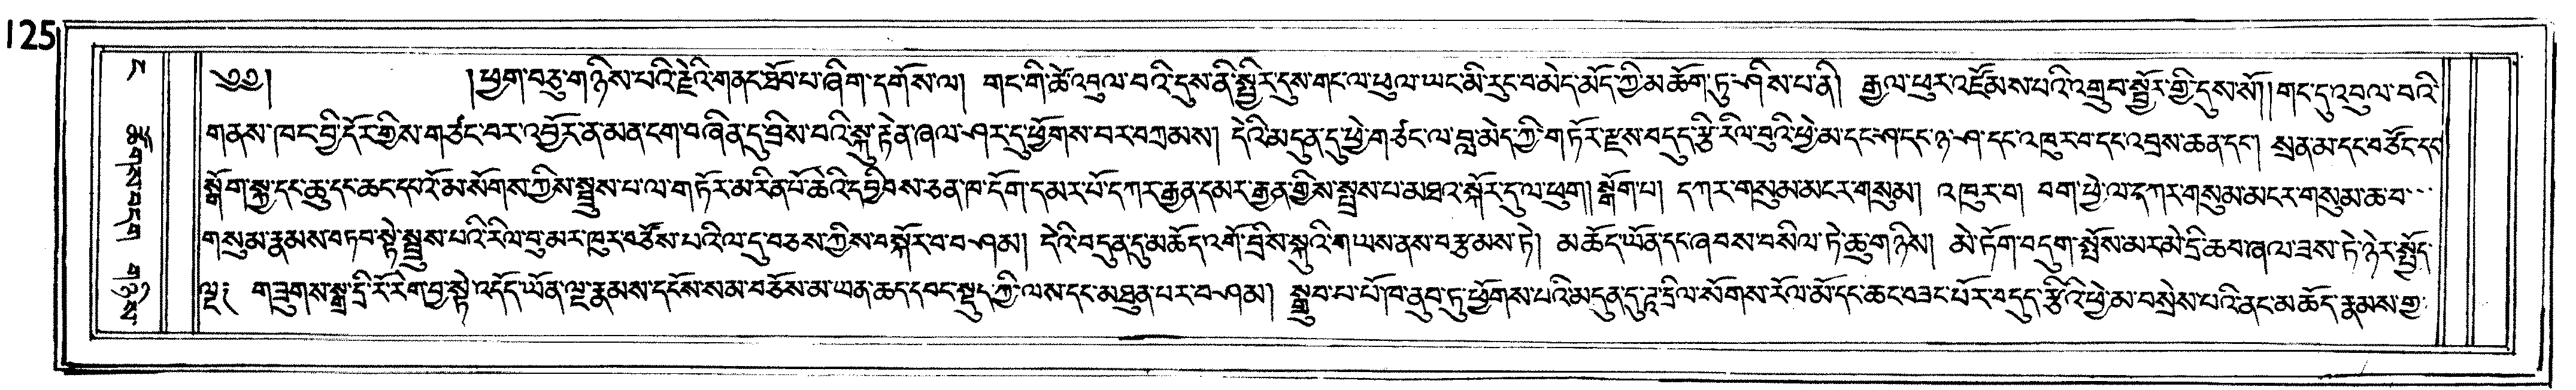༄༅། །ཕྱག་བཅུ་གཉིས་པའི་རྗེའི་གནང་ཐོབ་པ་ཞིག་དགོས་ལ། གང་གི་ཚེ་འབུལ་བའི་དུས་ནི་སྤྱིར་དུས་གང་ལ་ཕུལ་ཡང་མི་རུང་བ་མེད་མོད་ཀྱི་མཆོག་ཏུ་ཤིས་པ་ནི། རྒྱལ་ཕུར་འཛོམས་པའི་འགྲུབ་སྦྱོར་གྱི་དུས་སོ། །གང་དུ་འབུལ་བའི་
གནས་ཁང་བྱི་དོར་གྱིས་གཙང་བར་འབྱོར་ན་མན་ངག་བཞིན་དུ་བྲིས་བའི་སྐུ་རྟེན་ཞལ་ཤར་དུ་ཕྱོགས་བར་བཀྲམས། དེའི་མདུན་དུ་ཕྱེ་གཙང་ལ་བླ་མེད་ཀྱི་གཏོར་རྫས་བདུད་རྩི་རིལ་བུའི་ཕྱེ་མ་དང་ཤ་དང་ཉ་ཤ་དང་འཁུར་བ་དང་འབྲས་ཆན་དང་། སྲན་མ་དང་བཙོང་དང་
སྒོག་སྐྱ་དང་ཆུ་དང་ཆང་དང་འོ་མ་སོགས་ཀྱིས་སྦྲུས་པ་ལ་གཏོར་མ་རིན་པོ་ཆེའི་དབྱིབས་ཅན་ཁ་དོག་དམར་པོ་དཀར་རྒྱན་དམར་རྒྱན་གྱིས་སྤྲས་པ་མཐའ་སྐོར་དུ་ལ་ཕུག། སྒོག་པ། དཀར་གསུམ་མངར་གསུམ། འཁུར་བ། བག་ཕྱེ་ལ་དཀར་གསུམ་མངར་གསུམ་ཆ་བ་
གསུམ་རྣམས་བཏབ་སྟེ་སྤྲུས་པའི་རིལ་བུ་མར་ཁུར་བཙོས་པའི་ལ་དུ་བཅས་ཀྱིས་བསྐོར་བ་བཤམ། དེའི་བདུན་དུ་མཆོད་འགོ་བྲིས་སྐུའི་གཡས་ནས་བརྩམས་ཏེ། མཆོད་ཡོན་དང་ཞབས་བསིལ་ཏེ་ཆུ་གཉིས། མེ་ཏོག་བདུག་སྤོས་མར་མེ་དྲི་ཆབ་ཞལ་ཟས་ཏེ་ཉེར་སྤྱོད་
ལྔ༑ གཟུགས་སྒྲ་དྲི་རོ་རེག་བྱ་སྟེ་འདོད་ཡོན་ལྔ་རྣམས་དངོས་སམ་བཅོས་མ་ཡན་ཆད་དབང་སྡུད་ཀྱི་ལས་དང་མཐུན་པར་བཤམ། སྒྲུབ་པ་པོ་ཁ་ནུབ་ཏུ་ཕྱོགས་པའི་མདུན་དུ་ཌཱ་དྲིལ་སོགས་རོལ་མོ་དང་ཆང་བཟང་པོར་བདུད་རྩིའི་ཕྱེ་མ་བསྲེས་པའི་ནང་མཆོད་རྣམས་གྱ་